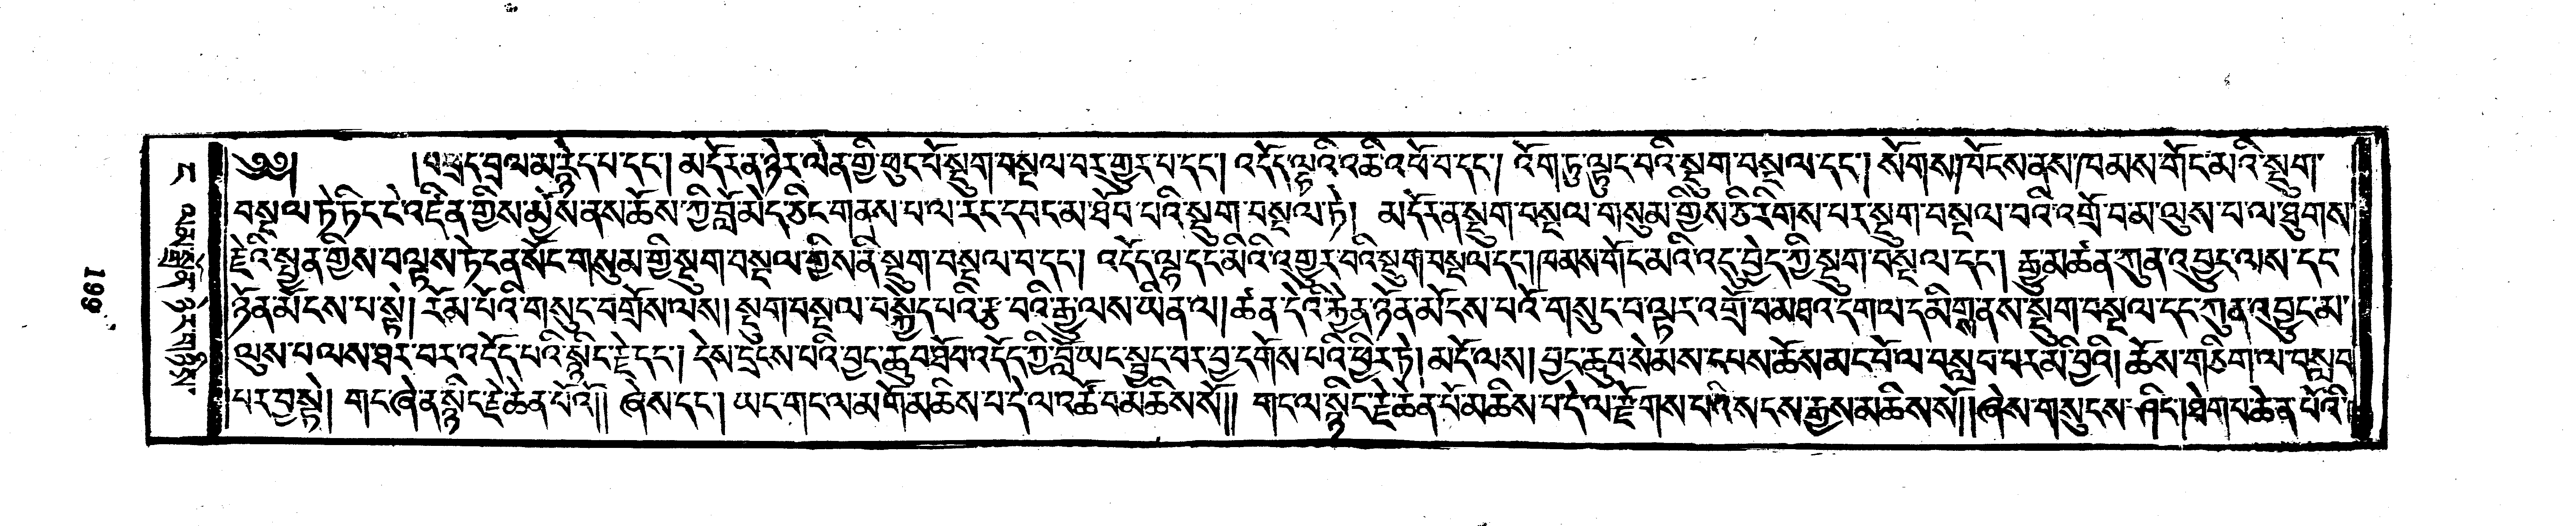༄༅། །བ་ཕྲད་བྲལ་མ་རྙེད་པ་དང་། མདོར་ན་ཉེར་ལེན་གྱི་ཕུང་པོ་སྡུག་བསྔལ་བར་གྱུར་པ་དང་། འདོད་ལྷའི་འཆི་འཕོ་བ་དང་། འོག་ཏུ་ལྟུང་བའི་སྡུག་བསྔལ་དང་། སོགས་ཁོངས་ནས་ཁམས་གོང་མའི་སྡུག་
བསྔལ་ཏེ་ཏིང་ངེ་འཛིན་གྱིས་མྱོས་ནས་ཆོས་ཀྱི་བློ་མེད་ཅིང་གནས་པ་ལ་རང་དབང་མ་ཐོབ་པའི་སྡུག་བསྔལ་ཏེ། མདོར་ན་སྡུག་བསྔལ་གསུམ་གྱིས་ཅི་རིགས་པར་སྡུག་བསྔལ་བའི་འགྲོ་བ་མ་ལུས་པ་ལ་ཐུགས་
རྗེའི་སྤྱན་གྱིས་བལྟས་ཏེ་ངན་སོང་གསུམ་གྱི་སྡུག་བསྔལ་གྱིས་ནི་སྡུག་བསྔལ་བ་དང་། འདོད་ལྷ་དང་མིའི་འགྱུར་བའི་སྡུག་བསྔལ་དང་། ཁམས་གོང་མའི་འདུ་བྱེད་ཀྱི་སྡུག་བསྔལ་དང་། རྒྱུ་མཚན་ཀུན་འབྱུང་ལས་དང་
ཉོན་མོངས་པ་སྟེ། རོམ་པོའི་གསུང་བགྲོས་ལས། སྡུག་བསྔལ་བསྐྱེད་པའི་རྩ་བའི་རྒྱུ་ལས་ཡིན་ལ། ཚན་དེའི་རྐྱེན་ཉོན་མོངས་པའི་གསུང་པ་ལྟར་འགྲོ་བ་མཐའ་དག་ལ་དམིགས་ནས་སྡུག་བསྔལ་དང་ཀུན་འབྱུང་མ་
ལུས་པ་ལས་ཐར་པར་འདོད་པའི་སྙིང་རྗེ་དང་། དེས་དྲངས་པའི་བྱང་ཆུབ་ཐོབ་འདོད་ཀྱི་བློ་ཡང་སྦྱང་བར་བྱ་དགོས་པའི་ཕྱིར་ཏེ། མདོ་ལས། བྱང་ཆུབ་སེམས་དཔས་ཆོས་མང་པོ་ལ་བསླབ་པར་མི་བྱའི། ཆོས་གཅིག་ལ་བསླབ་
པར་བྱ་སྟེ། གང་ཞེ་ན་སྙིང་རྗེ་ཆེན་པོའོ། །ཞེས་དང་། ཡང་གང་ལ་མགོ་མཆིས་པ་དེ་ལ་འཚོ་བ་མཆིས་སོ། །གང་ལ་སྙིང་རྗེ་ཆེན་པོ་མཆིས་པ་དེ་ལ་རྫོགས་པའི་སངས་རྒྱས་མཆིས་སོ། །ཞེས་གསུངས་ཤིང་། ཐེག་པ་ཆེན་པོའི་